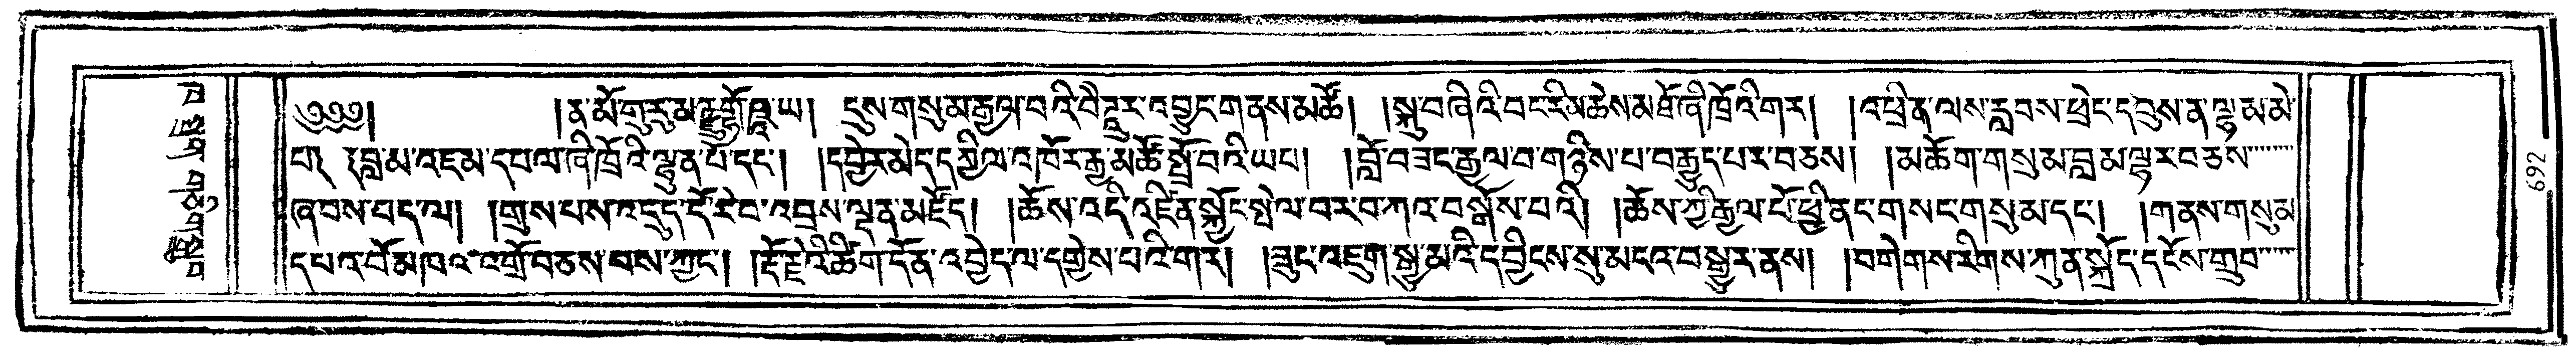༄༅༅། །ན་མོ་གུ་རུ་མཉྫུ་གྷོ་ཥཱ་ཡ། དུས་གསུམ་རྒྱལ་བའི་བཻ་ཌཱུར་འབྱུང་གནས་མཚོ། །སྐུ་བཞིའི་བང་རིམ་ཆེས་མཐོ་ཞི་ཁྲོའི་གར། །འཕྲིན་ལས་རླབས་ཕྲེང་དབུས་ན་ལྷ་མ་མེ་
པ༑ ༑བླ་མ་འཇམ་དཔལ་ཞི་ཁྲོའི་ལྷུན་པ་དང་། །དབྱེར་མེད་དཀྱིལ་འཁོར་རྒྱ་མཚོ་སྤྲོ་བའི་ཡབ། །བློ་བཟང་རྒྱལ་བ་གཉིས་པ་བརྒྱུད་པར་བཅས། །མཆོག་གསུམ་བླ་མ་ལྷར་བཅས་
ཞབས་པད་ལ། །གུས་པས་འདུད་དོ་རེ་བ་འབྲས་ལྡན་མཛོད། །ཆོས་འདི་འཛིན་སྐྱོང་སྤེལ་བར་བཀའ་བསྒོས་པའི། །ཆོས་ཀྱི་རྒྱལ་པོ་ཕྱི་ནང་གསང་གསུམ་དང་། །གནས་གསུམ་
དཔའ་བོ་མཁའ་འགྲོ་བཅས་བས་ཀྱང་། །རྡོ་རྗེའི་ཚིག་དོན་འབྱེད་ལ་དགྱེས་པའི་གར། །ཟུང་འཇུག་སྒྱུ་མའི་དབྱིངས་སུ་མངའ་བསྒྱུར་ནས། །བགེགས་རིགས་ཀུན་སྐྲོད་དངོས་གྲུབ་